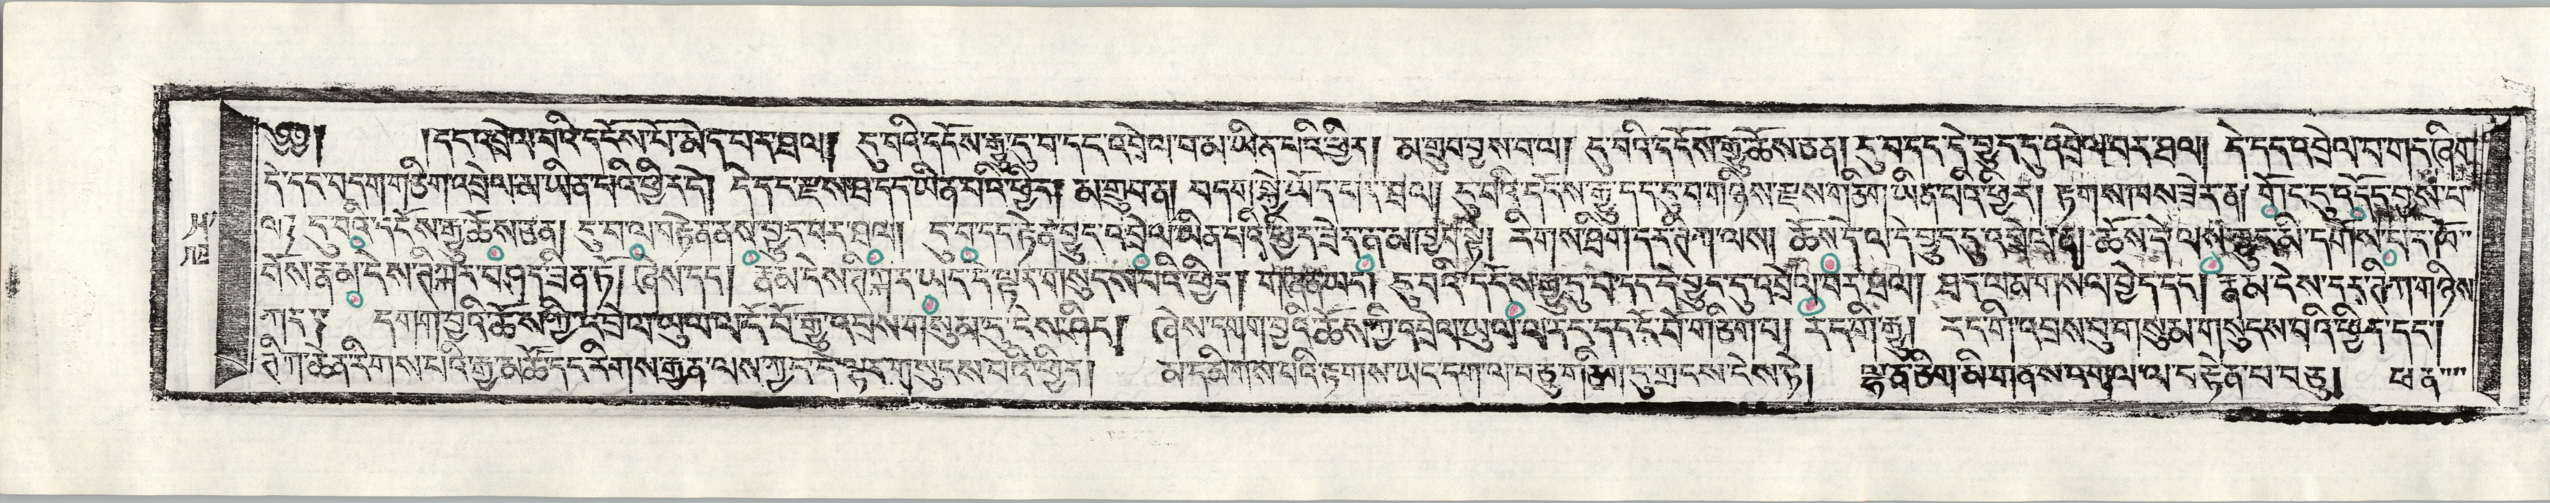༄༅། །དང་འབྲེལ་བའི་དངོས་པོ་མེད་པར་ཐལ། དུ་བའི་དངོས་རྒྱུ་དུ་བ་དང་འབྲེལ་བ་མ་ཡིན་པའི་ཕྱིར། མ་གྲུབ་བྱས་པ་ལ། དུ་བའི་དངོས་རྒྱུ་ཆོས་ཅན། དུ་བ་དང་དེ་བྱུང་དུ་འབྲེལ་བར་ཐལ། དེ་དང་འབྲེལ་བ་གང་ཞིག་
དེ་དང་བདག་གཅིག་འབྲེལ་མ་ཡིན་པའི་ཕྱིར་དེ། དེ་དང་རྫས་ཐ་དད་ཡིན་པའི་ཕྱིར། མ་གྲུབ་ན། བདག་སྐྱེ་ཡོད་པར་ཐལ། དུ་བའི་དངོས་རྒྱུ་དང་དུ་བ་གཉིས་རྫས་གཅིག་ཡིན་པའི་ཕྱིར། རྟགས་ཁས་ཟེར་ན། གོང་དུ་འདོད་བྱས་པ་
ལ། དུ་བའི་དངོས་རྒྱུ་ཆོས་ཅན། དུ་བ་ལ་བརྟེན་ནས་བྱུང་བར་ཐལ། དུ་བ་དང་རྟེན་བྱུང་འབྲེལ་ཡིན་པའི་ཕྱིར་ཟེར་ན་མ་ཁྱབ་སྟེ། རིགས་ཐིག་དར་ཊིཀྐར་ལས། ཆོས་དེ་ལ་དེ་བྱུང་དུ་འབྲེལ་ན། ཆོས་དེ་ལས་བྱུང་མི་དགོས་པར་ཁོ་
བོས་རྣམ་ངེས་ཊིཀྐར་བཤད་ཟིན་ཏོ། ཞེས་དང་། རྣམ་ངེས་ཊིཀྐར་ཡང་དེ་ལྟར་གསུངས་པའི་ཕྱིར། གཞན་ཡང་། དུ་བའི་དངོས་རྒྱུ་དུ་བ་དང་དེ་བྱུང་དུ་འབྲེལ་བར་ཐལ། ཐར་ལམ་གསལ་བྱེད་དང་། རྣམ་ངེས་དར་ཊིཀ་གཉིས་
ཀར། དགག་བྱའི་ཆོས་ཀྱི་འབྲེལ་ཡུལ་ལ་ངོ་བོ་རྒྱུ་འབྲས་གསུམ་དུ་ངེས་ཤིང་། ཞེས་དགག་བྱའི་ཆོས་ཀྱི་འབྲེལ་ཡུལ་ལ་རང་དང་ངོ་བོ་གཅིག་པ། རང་གི་རྒྱུ། རང་གི་འབྲས་བུ་གསུམ་གསུངས་པའི་ཕྱིར་དང་།
ཊིཀ་ཆེན་རིགས་པའི་རྒྱ་མཚོ་དང་རིགས་རྒྱན་ལས་ཀྱང་དེ་ལྟར་གསུངས་པའི་ཕྱིར། མ་དམིགས་པའི་རྟགས་ཡང་དག་ལ་བཅུ་གཅིག་དུ་གྲངས་ངེས་ཏེ། ལྷན་ཅིག་མི་གནས་འགལ་ལ་བརྟེན་པ་བཅུ། ཕན་